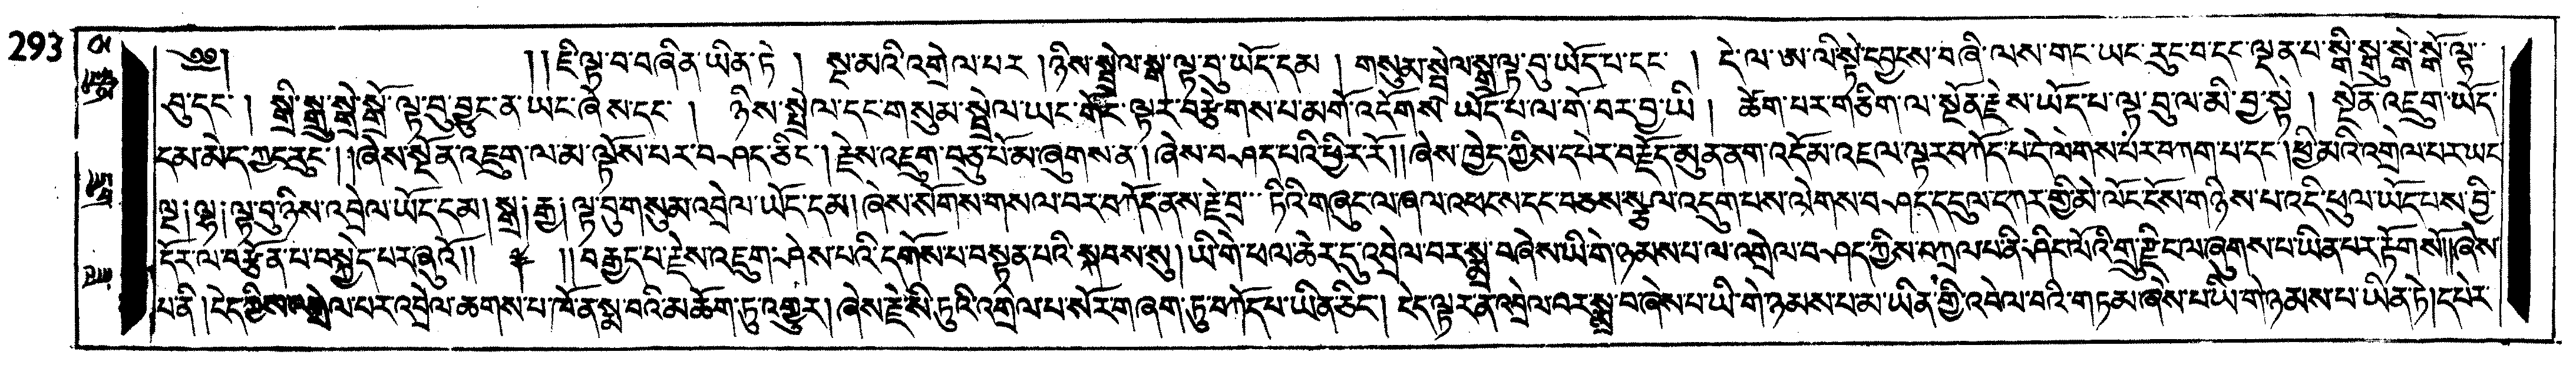༄༅། །།ཇི་ལྟ་བ་བཞིན་ཡིན་ཏེ། སྔ་མའི་འགྲེལ་པར་།ཉིས་སྦྲེལ་སྒ་ལྟ་བུ་ཡོད་དམ། གསུམ་སྦྲེལ་སྒྲ་ལྟ་བུ་ཡོད་པ་དང་། དེ་ལ་ཨ་ལི་སྟེ་དབྱངས་བཞི་ལས་གང་ཡང་རུང་བ་དང་ལྡན་པ་སྒི་སྒུ་སྒེ་སྒོ་ལྟ་
བུ་དང་། སྒྲི་སྒྲུ་སྒྲེ་སྒྲོ་ལྟ་བུ་བྱུང་ན་ཡང་ཞེས་དང་། ཉིས་སྤྲེལ་དང་གསུམ་སྦྲེལ་ཡང་གོང་ལྟར་བརྩེགས་པ་མགོ་འདོགས་ཡོད་ལ་གོ་བར་བྱ་ཡི། ཚེག་པར་གཅིག་ལ་སྔོན་རྗེས་ཡོད་པ་ལྟ་བུ་ལ་མི་བྱ་སྟེ། སྔོན་འཇུག་ཡོད་
དམ་མེད་ཀྱང་རུང་། །ཞེས་སྔོན་འཇུག་ལ་མ་ལྟོས་པར་བཤད་ཅིང་། རྗེས་འཇུག་བཅུ་པོ་མ་ཞུགས་ན། ཞེས་བཤད་པའི་ཕྱིར་རོ། །ཞེས་ཁྱེད་ཀྱིས་དཔེར་བརྗོད་མུན་ནག་འདོམ་འཇལ་ལྟར་བཀོད་པ་དེ་ལེགས་པར་བཀག་པ་དང་། ཕྱི་མའི་འགྲེལ་པར་ཡང་
ལྔ༑ ལྷ༑ ལྟ་བུ་ཉིས་འབྲེལ་ཡོད་དམ། སྒྲ༑ རྒྱ༑ ལྟ་བུ་གསུམ་འབྲེལ་ཡོད་དམ། ཞེས་སོགས་གསལ་བར་བཀོད་ནས་རྗེ་བྲ་་་ཏིའི་གཞུང་ལ་ཞལ་འཕངས་དང་བཅས་སྩལ་འདུག་པས་ལེགས་བཤད་དངུལ་དཀར་གྱི་མེ་ལོང་ངོས་གཉིས་པ་འདི་ཕུལ་ཡོད་པས་བྱི་
དོར་ལ་བརྩོན་པ་བསྐྱེད་པར་ཞུའོ།། འ་།།བརྒྱད་པ་རྗེས་འཇུག་ཤེས་པའི་དགོས་པ་བསྟན་པའི་སྐབས་སུ། ཡི་གེ་ཕལ་ཆེར་དུ་འབྲེལ་བར་སྨྲ་བཞེས་ཡི་གེ་ཉམས་པ་ལ་འགྲེལ་བཤད་ཀྱིས་བཀྲལ་པ་ནི་ཤིང་ལོའི་རྫིང་ལ་ཞུགས་པ་ཡིན་པར་རྟོག་སོ། །ཞེས་
པ་ནི། ངེད་ཀྱིས་འགྲེལ་པར་འབྲེལ་ཆགས་པ་ཁོ་ན་སྨ་བའི་མཆོག་ཏུ་འགྱུར། ཞེས་རྗེ་སི་ཏུའི་འགྲེལ་པ་སོར་གཞག་ཏུ་བཀོད་པ་ཡིན་ཅིང་། ངེད་ལྟར་ན་འབྲེལ་བར་སྨྲ་བ་ཞེས་པ་ཡི་གེ་ཉམས་པ་མ་ཡིན་གྱི་འབྲེལ་བའི་གཏམ་ཞེས་པ་ཡི་གེ་ཉམས་པ་ཡིན་ཏེ། དཔེར་